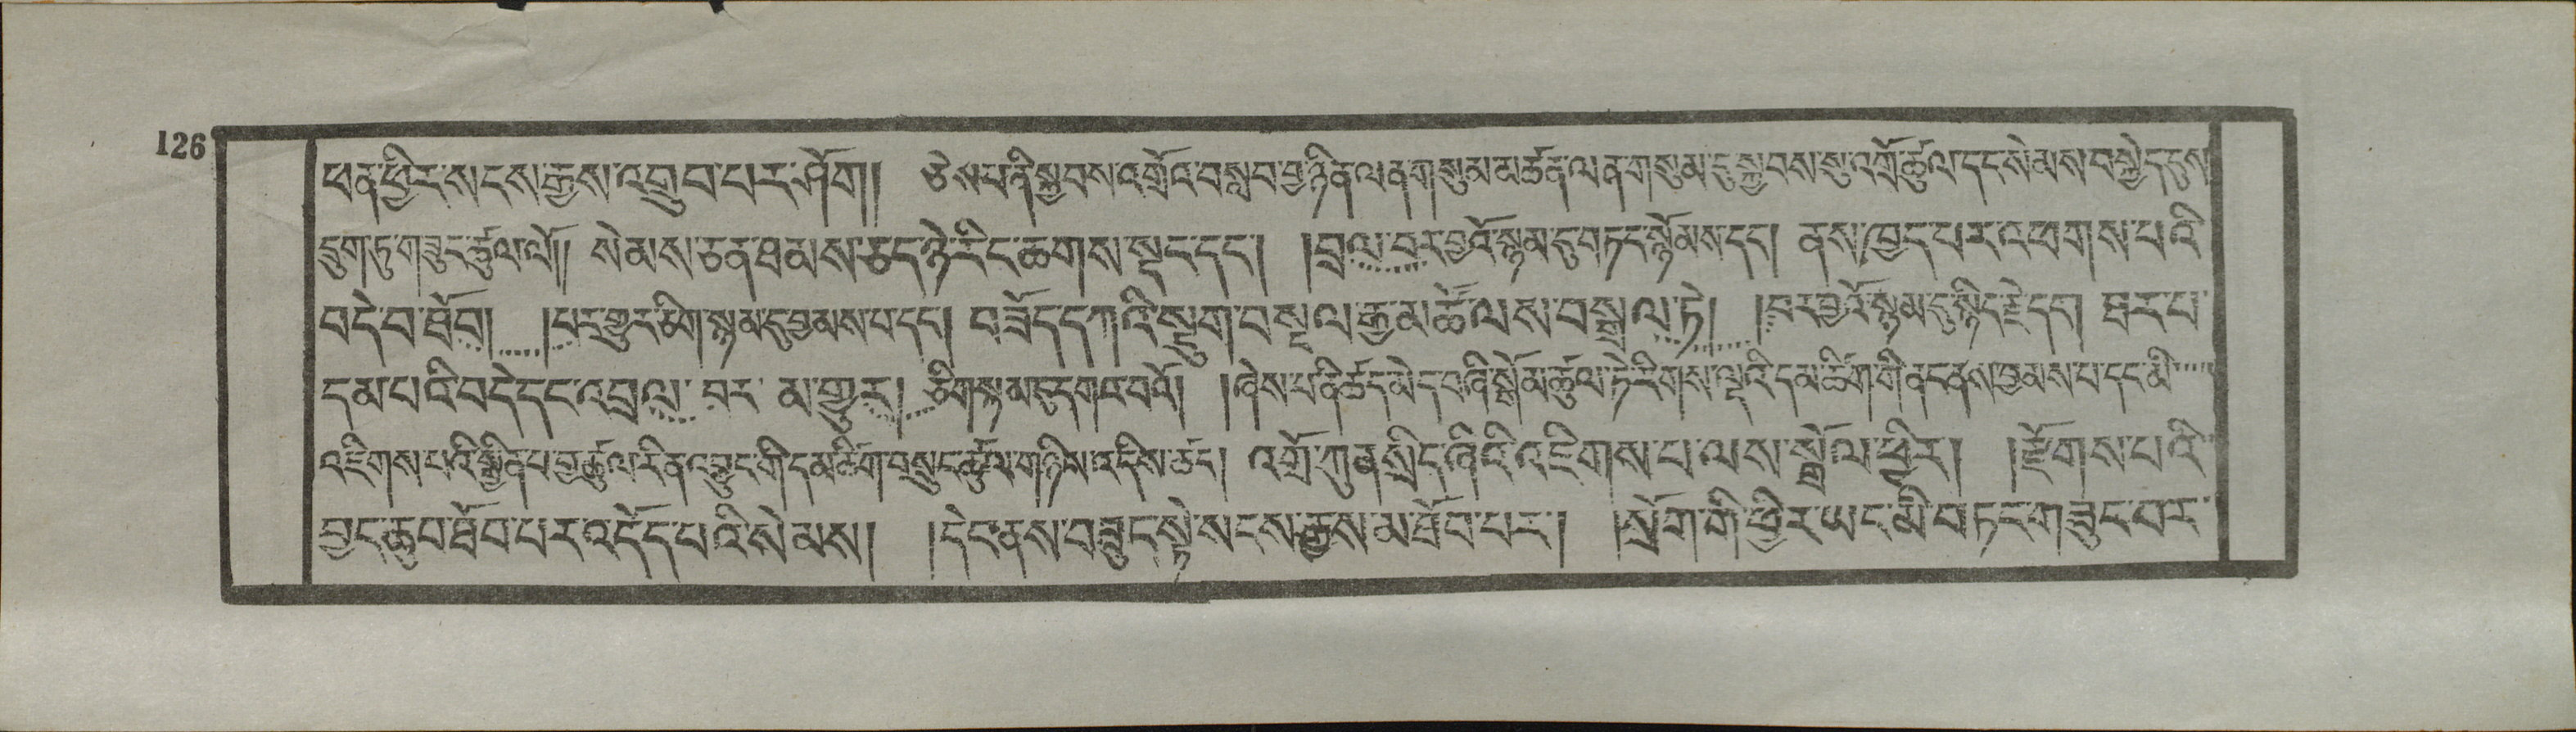ཕན་ཕྱིར་སངས་རྒྱས་འགྲུབ་པར་ཤོག །ཅེས་པ་ནི་སྐྱབས་འགྲོའི་བསླབ་བྱ་ཉིན་ལན་གསུམ་མཚན་ལན་གསུམ་དུ་སྐྱབས་སུ་འགྲོ་ཚུལ་དང་སེམས་བསྐྱེད་དུས་
དྲུག་ཏུ་གཟུང་ཚུལ་ལོ།། སེམས་ཅན་ཐམས་ཅད་ཉེ་རིང་ཆགས་སྡང་དང་། །བྲལ་བར་བྱའོ་སྙམ་དུ་བཏང་སྙོམས་དང་།  ནས་ཁྱད་པར་འཕགས་པའི་
བདེ་བ་ཐོབ། །པར་གྱུར་ཅིག་སྙམ་དུ་བྱམས་པ་དང་།  བཟོད་དཀའི་སྡུག་བསྔལ་རྒྱ་མཚོ་ལས་བསྒྲལ་ཏེ། །བར་བྱའོ་སྙམ་དུ་སྙིང་རྗེ་དག་ཐར་པ་
དམ་པའི་བདེ་དང་འགྲལ་བར་མ་གྱུར། ཅིག་སྙམ་དུ་དགའ་བའོ། །ཞེས་པ་ནི་ཚད་མེད་བཞི་སྒོམ་ཚུལ་ཏེ་རིགས་ལྔའི་དམ་ཚིག་གི་ནང་ནས་བྱམས་པ་དང་མི་
འཇིགས་པའི་སྦྱིན་པ་བྱ་ཚུལ་རིན་འབྱུང་གི་དམ་ཚིག་བསྲུང་ཚུལ་གཉིས་འདིས་ཚང་། འགྲོ་ཀུན་སྲིད་ཞིའི་འཇིགས་པ་ལས་སྒྲོལ་ཕྱིར། །རྫོགས་པའི་
བྱང་ཆུབ་ཐོབ་པར་འདོད་པའི་སེམས། །དེང་ནས་བཟུང་སྟེ་སངས་རྒྱས་མ་ཐོབ་པར། །སྲོག་གི་ཕྱིར་ཡང་མི་བཏང་གཟུང་བར་